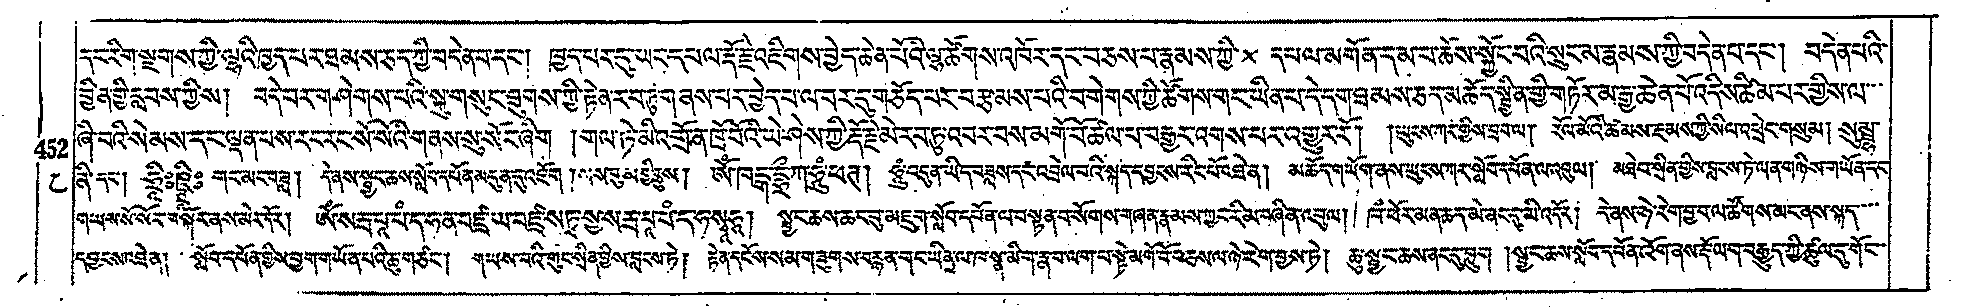དང་རིག་སྔགས་ཀྱི་ལྷའི་ཁྱད་པར་ཐམས་ཅད་ཀྱི་བདེན་པ་དང་། ཁྱད་པར་དུ་ཡང་དཔལ་རྡོ་རྗེ་འཇིགས་བྱེད་ཆེན་པོའི་ལྷ་ཚོགས་འཁོར་དང་བཅས་པ་རྣམས་ཀྱི་྾་དཔལ་མགོན་དམ་པ་ཆོས་སྐྱོང་བའི་སྲུང་མ་རྣམས་ཀྱི་བདེན་པ་དང་། བདེན་པའི་
བྱིན་གྱི་རླབས་ཀྱིས། བདེ་བར་གཤེགས་པའི་སྐུ་གསུང་ཐུགས་ཀྱི་རྟེན་རབ་ཏུ་གནས་པར་བྱེད་པ་ལ་བར་དུ་གཅོད་པར་བརྩམས་པའི་བགེགས་ཀྱི་ཚོགས་གང་ཡིན་པ་དེ་དག་ཐམས་ཅད་མཆོད་སྦྱིན་གྱི་གཏོར་མ་རྒྱ་ཆེན་པོ་འདིས་ཚིམ་པར་གྱིས་ལ་
ཞི་བའི་སེམས་དང་ལྡན་པས་རང་རང་སོ་སོའི་གནས་སུ་སོང་ཞིག །གལ་ཏེ་མི་འགྲོ་ན་ཁྲོ་བོའི་ཡེ་ཤེས་ཀྱི་རྡོ་རྗེ་མེ་རབ་ཏུ་འབར་བས་མགོ་པོ་ཚལ་པ་བརྒྱར་འགས་པར་འགྱུར་རོ། །ཡུངས་ཀར་གྱིས་བྲབ་ལ། རོལ་མོའི་ཚམས་རྔམས་ཀྱི་སིལ་འཕྲེང་གསུམ།  སུམྦྷ་
ནི་དང་། ཧྲཱིཿཥྚྲཱིཿགང་མང་བཟླ། དེ་ནས་སྦྱང་ཆས་སློབ་དཔོན་མདུན་དུ་འཇོག །ལས་བུམ་གྱི་ཆུས།  ཨོཾ་ཁངྒ་དྷྲྀ་ཀ་ཧཱུཾ་ཕཊ། ཧཱུཾ་བདུན་ཡིད་བཟླས་དང་འབྲེལ་བའི་སྐད་དབྱངས་རིང་པོ་འཐེན། མཆོད་གཡོག་ནས་ཡུངས་ཀར་སློབ་དཔོན་ལ་འབུལ། མཐེབ་སྲིན་གྱིས་བླངས་ཏེ་ལན་གཉིས་གཡོན་དང་
གཡས་སོ་སོར་བསྐོར་ནས་མེར་དོར། ཨོཾ་སརྦ་པཱ་པཾ་ད་ཧ་ན་བཛྲ་ཡ་བཛྲ་སཏྭ་སྱ་སརྦ་པཱ་པཾ་ད་ཧ་སྭཱཧཱ། སྦྱང་ཆས་ཆང་བུ་མཇུག་སློབ་དཔོན་ལ་བསྟན་པ་སོགས་གཞན་རྣམས་ཀྱང་རིམ་བཞིན་འབུལ། ཁཾ་ཕོར་མན་ཆད་མེ་ནང་དུ་མི་འདོར། དེ་ནས་ཉེ་རེག་བྱ་བ་ལ་ཚོགས་མང་ནས་སྐད་
དབྱངས་འཐེན། སློབ་དཔོན་གྱིས་ཕྱག་གཡོན་པའི་ཆུ་གཙང་། གཡས་པའི་གུང་སྲིན་གྱིས་བླངས་ཏེ། རྟེན་དངོས་སམ་གཟུགས་བརྙན་གང་ཡིན་ལ་ཁ་སྣ་མིག་རྣ་བ་ལག་པ་སྟེ་མགོ་བོ་བཅས་ལ་ཉེ་རེག་བྱས་ཏེ། ཆུ་སྦྱང་ཆས་ནང་དུ་བླུག །སྦྱང་ཆས་སློབ་དཔོན་འོག་ནས་རྡོ་ལག་བརྒྱུད་ཀྱི་ཚུལ་དུ་གོང་